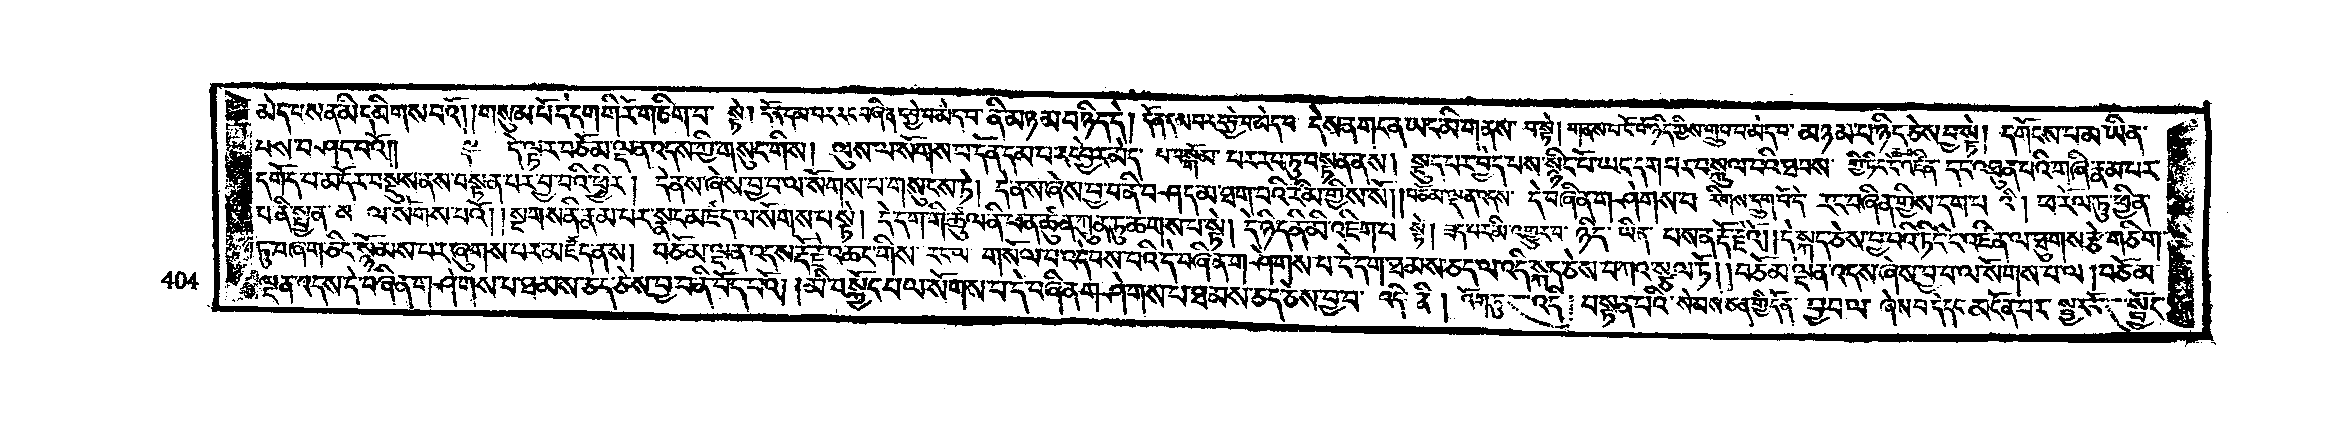མེད་པས་ན་མི་དམིགས་པའོ། །གསུམ་པོ་དེ་དག་གི་རོ་གཅིག་པ་སྟེ། དོན་དམ་པར་རང་བཞིན་དབྱེ་བ་མེད་པ་ནི་མཉམ་པ་ཉིད་དེ། དོན་དམ་པར་དབྱེ་བ་མེད་པ་དེས་ན་གང་ན་ཡང་མི་གནས་པ་སྟེ། གནས་པ་ངོ་བོ་ཉིད་ཀྱིས་གྲུབ་པ་མེད་པ་མཉམ་པ་ཉིད་ཅེས་བྱ་སྟེ། དགོངས་པ་མ་ཡིན་
པས་བཤད་པའོ།། ༈ དེ་ལྟར་བཅོམ་ལྡན་འདས་ཀྱི་གསུང་གིས། ལུས་ལ་སོགས་པ་དོན་དམ་པར་དབྱེར་མེད་པ་བསྒོམ་པར་རབ་ཏུ་བསྟན་ནས། སྡུད་པར་བྱེད་པས་སྙིང་པོ་ཡང་དག་པར་བསྐུལ་བའི་ཐབས་ཀྱི་ཏིང་ངེ་འཛིན་ཆག་དང་འཐུན་པའི་གཞི་རྣམ་པར་
དགོད་པ་མདོར་བསྡུས་ནས་བསྟན་པར་བྱ་བའི་ཕྱིར། དེ་ནས་ཞེས་བྱ་བ་ལ་སོགས་པ་གསུངས་ཏེ། དེ་ནས་ཞེས་བྱ་བ་ནི་བཤད་མ་ཐག་པའི་རིམ་གྱིས་སོ། ། བཅོམ་ལྡན་འདས་དེ་བཞིན་གཤེགས་པ་རིགས་དྲུག་པོ་དེ་རང་བཞིན་གྱིས་དག་པའི། ཕ་རོལ་ཏུ་ཕྱིན་
པ་ནི་སྤྱན་མ་ལ་སོགས་པའོ། །སྔགས་ནི་རྣམ་པར་སྣང་མཛད་ལ་སོགས་པ་སྟེ། དེ་དག་གི་ཚུལ་ནི་ཕན་ཚུན་ཀུན་ཏུ་ཆགས་པ་སྟེ། དེ་ཉིད་ནི་མི་འཇིག་པ་སྟེ། ཟད་པར་མི་འགྱུར་བ་ཉིད་ཡིན་པས་ན་རྡོ་རྗེའོ། །དེ་སྐད་ཅེས་བྱ་བའི་ཏིང་ངེ་འཛིན་ལ་ཐུགས་རྩེ་གཅིག་
ཏུ་བཞག་ཅིང་སྙོམས་པར་ཞུགས་པར་མཛད་ནས། བཅོམ་ལྡན་འདས་རྡོ་རྗེ་འཆང་གིས་རང་ལ་གསོལ་བ་འདེབས་པའི་དེ་བཞིན་གཤེགས་པ་དེ་དག་ཐམས་ཅད་ལ་འདི་སྐད་ཅེས་བཀའ་སྩལ་ཏོ། །བཅོམ་ལྡན་འདས་ཞེས་བྱ་བ་ལ་སོགས་པ་ལ། བཅོམ་
ལྡན་འདས་དེ་བཞིན་གཤེགས་པ་ཐམས་ཅད་ཅེས་བྱ་བ་ནི་བོད་པའོ། །མི་བསྐྱོད་པ་ལ་སོགས་པ་དེ་བཞིན་གཤེགས་པ་ཐམས་ཅད་ཅེས་བྱ་བ་འདི་ནི། འོག་ཏུ་འདི་བསྟན་པའི་སེམས་ཅན་གྱི་དོན་བྱ་བ་ལ་ཞེས་པ་དེ་དང་མངོན་པར་སྦྱར་རོ་སྦྱོར་